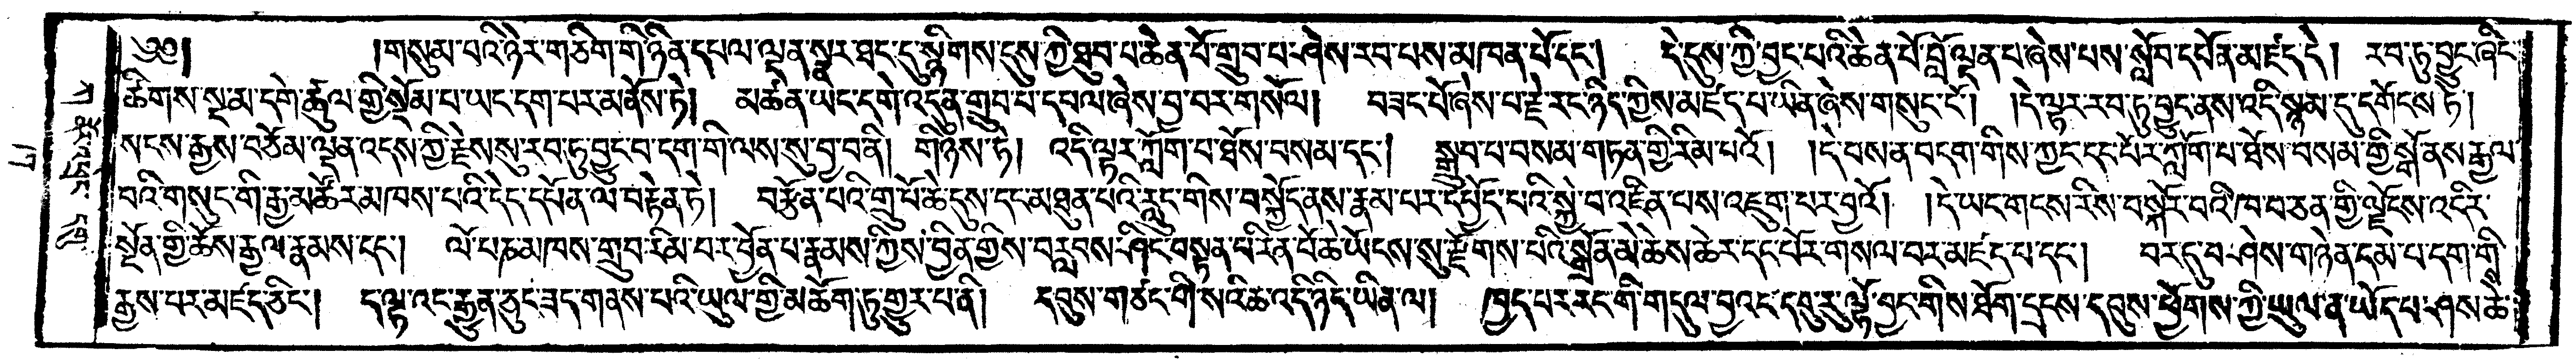༄༅། །གསུམ་པའི་ཉེར་གཅིག་གི་ཉིན་དཔལ་ལྡན་སྣར་ཐང་དུ་སྙིགས་དུས་ཀྱི་ཐུབ་པ་ཆེན་པོ་གྲུབ་པ་ཤེས་རབ་པས་མཁན་པོ་དང་། དེ་དུས་ཀྱི་བྱང་པའི་ཆེན་པོ་བློ་ལྡན་པ་ཞེས་པས་སློབ་དཔོན་མཛད་དེ། རབ་ཏུ་བྱུང་ཞིང་
ཚིགས་སྔ་མ་དགེ་ཚུལ་གྱི་སྡོམ་པ་ཡང་དག་པར་མནོས་ཏེ། མཚན་ཡང་དགེ་འདུན་གྲུབ་པ་དཔལ་ཞེས་བྱ་བར་གསོལ། བཟང་པོ་ཞེས་པ་རྗེ་རང་ཉིད་ཀྱིས་མཛད་པ་ཡིན་ཞེས་གསུང་ངོ། །དེ་ལྟར་རབ་ཏུ་བྱུང་ནས་འདི་སྙམ་དུ་དགོངས་ཏེ།
སངས་རྒྱས་བཅོམ་ལྡན་འདས་ཀྱི་རྗེས་སུ་རབ་ཏུ་བྱུང་བ་དག་གི་ལས་སུ་བྱ་བ་ནི། གཉིས་ཏེ། འདི་ལྟར་ཀློག་པ་ཐོས་བསམ་དང་། སྒྲུབ་པ་བསམ་གཏན་གྱི་རིམ་པའོ། །དེ་བས་ན་བདག་གིས་ཀྱང་དང་པོར་ཀློག་པ་ཐོས་བསམ་གྱི་སྒོ་ནས་རྒྱལ་
བའི་གསུང་གི་རྒྱ་མཚོར་མཁས་པའི་དེད་དཔོན་ལ་བརྟེན་ཏེ། བརྩོན་པའི་གྲུ་པོ་ཆེ་དུས་དང་མཐུན་པའི་རླུང་གིས་བསྐྱོད་ནས་རྣམ་པར་དཔྱོད་པའི་སྐྱེ་བ་འཛིན་པས་འཇུག་པར་བྱའོ། །དེ་ཡང་གངས་རིས་བསྐོར་བའི་ཁ་བ་ཅན་གྱི་ལྗོངས་འདིར་
སྔོན་གྱི་ཆོས་རྒྱལ་རྣམས་དང་། ལོ་པཎ་མཁས་གྲུབ་རིམ་པར་བྱོན་པ་རྣམས་ཀྱིས་བྱིན་གྱིས་བརླབས་ཤིང་བསྟན་པ་རིན་པོ་ཆེ་ཡོངས་སུ་རྫོགས་པའི་སྒྲོན་མེ་ཆེས་ཆེར་དང་པོར་གསལ་བར་མཛད་པ་དང་། བར་དུ་བཤེས་གཉེན་དམ་པ་དག་གིས་
རྒྱས་པར་མཛད་ཅིང་། ད་ལྟ་འང་རྒྱུན་ཅུང་ཟད་གནས་པའི་ཡུལ་གྱི་མཆོག་ཏུ་གྱུར་པ་ནི། དབུས་གཙང་གི་སའི་ཆ་འདི་ཉིད་ཡིན་ལ། ཁྱད་པར་རང་གི་གདུལ་བྱའང་དབུ་རུ་ལྟོ་བྱང་གིས་ཐོག་དྲངས་དབུས་ཕྱོགས་ཀྱི་ཡུལ་ན་ཡོད་པ་ཤས་ཆེ་